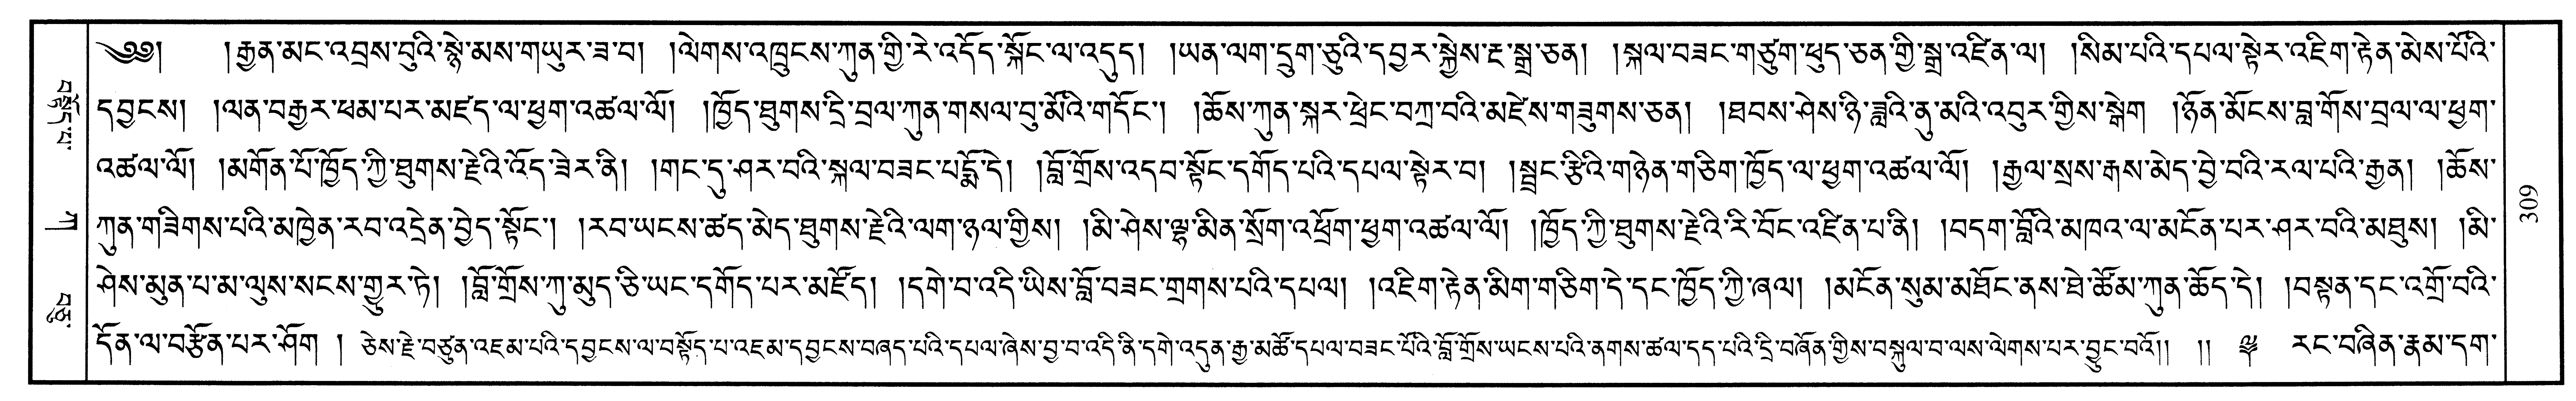༄༅། །རྒྱན་མང་འབྲས་བུའི་སྙེ་མས་གཡུར་ཟ་བ། །ལེགས་འཁྲུངས་ཀུན་གྱི་རེ་འདོད་སྐོང་ལ་འདུད། །ཡན་ལག་དྲུག་ཅུའི་དབྱར་སྐྱེས་རྔ་སྒྲ་ཅན། །སྐལ་བཟང་གཙུག་ཕུད་ཅན་གྱི་སྒྲ་འཛིན་ལ། །སིམ་པའི་དཔལ་སྟེར་འཇིག་རྟེན་མེས་པོའི་
དབྱངས། །ལན་བརྒྱར་ཕམ་པར་མཛད་ལ་ཕྱག་འཚལ་ལོ། །ཁྱོད་ཐུགས་དྲི་བྲལ་ཀུན་གསལ་བུ་མོའི་གདོང་། །ཆོས་ཀུན་སྐར་ཕྲེང་བཀྲ་བའི་མཛེས་གཟུགས་ཅན། །ཐབས་ཤེས་ཉི་ཟླའི་ནུ་མའི་འབུར་གྱིས་སྒེག །ཉོན་མོངས་བླ་གོས་བྲལ་ལ་ཕྱག་
འཚལ་ལོ། །མགོན་པོ་ཁྱོད་ཀྱི་ཐུགས་རྗེའི་འོད་ཟེར་ནི། །གང་དུ་ཤར་བའི་སྐལ་བཟང་པདམོ་དེ། །བློ་གྲོས་འདབ་སྟོང་དགོད་པའི་དཔལ་སྟེར་བ། །སྦྲང་རྩིའི་གཉེན་གཅིག་ཁྱོད་ལ་ཕྱག་འཚལ་ལོ། །རྒྱལ་སྲས་རྒས་མེད་བྱེ་བའི་རལ་པའི་རྒྱན། །ཆོས་
ཀུན་གཟིགས་པའི་མཁྱེན་རབ་འདྲེན་བྱེད་སྟོང་། །རབ་ཡངས་ཚད་མེད་ཐུགས་རྗེའི་ལག་ཉལ་གྱིས། །མི་ཤེས་ལྷ་མིན་སྲོག་འཕྲོག་ཕྱག་འཚལ་ལོ། །ཁྱོད་ཀྱི་ཐུགས་རྗེའི་རི་བོང་འཛིན་པ་ནི། །བདག་བློའི་མཁའ་ལ་མངོན་པར་ཤར་བའི་མཐུས། །མི་
ཤེས་མུན་པ་མ་ལུས་སངས་གྱུར་ཏེ། །བློ་གྲོས་ཀུ་མུད་ཅི་ཡང་དགོད་པར་མཛོད། །དགེ་བ་འདི་ཡིས་བློ་བཟང་གྲགས་པའི་དཔལ། །འཇིག་རྟེན་མིག་གཅིག་དེ་དང་ཁྱོད་ཀྱི་ཞལ། །མངོན་སུམ་མཐོང་ནས་ཐེ་ཚོམ་ཀུན་ཆོད་དེ། །བསྟན་དང་འགྲོ་བའི་
དོན་ལ་བརྩོན་པར་ཤོག། ཅེས་རྗེ་བཙུན་འཇམ་པའི་དབྱངས་ལ་བསྟོད་པ་འཇམ་དབྱངས་བཞད་པའི་དཔལ་ཞེས་བྱ་བ་འདི་ནི་དགེ་འདུན་རྒྱ་མཚོ་དཔལ་བཟང་པོའི་བློ་གྲོས་ཡངས་པའི་ནགས་ཚལ་དད་པའི་དྲི་བཞོན་གྱིས་བསྐུལ་བ་ལས་ལེགས་པར་བྱུང་བའོ།། །། ༈ རང་བཞིན་རྣམ་དག་